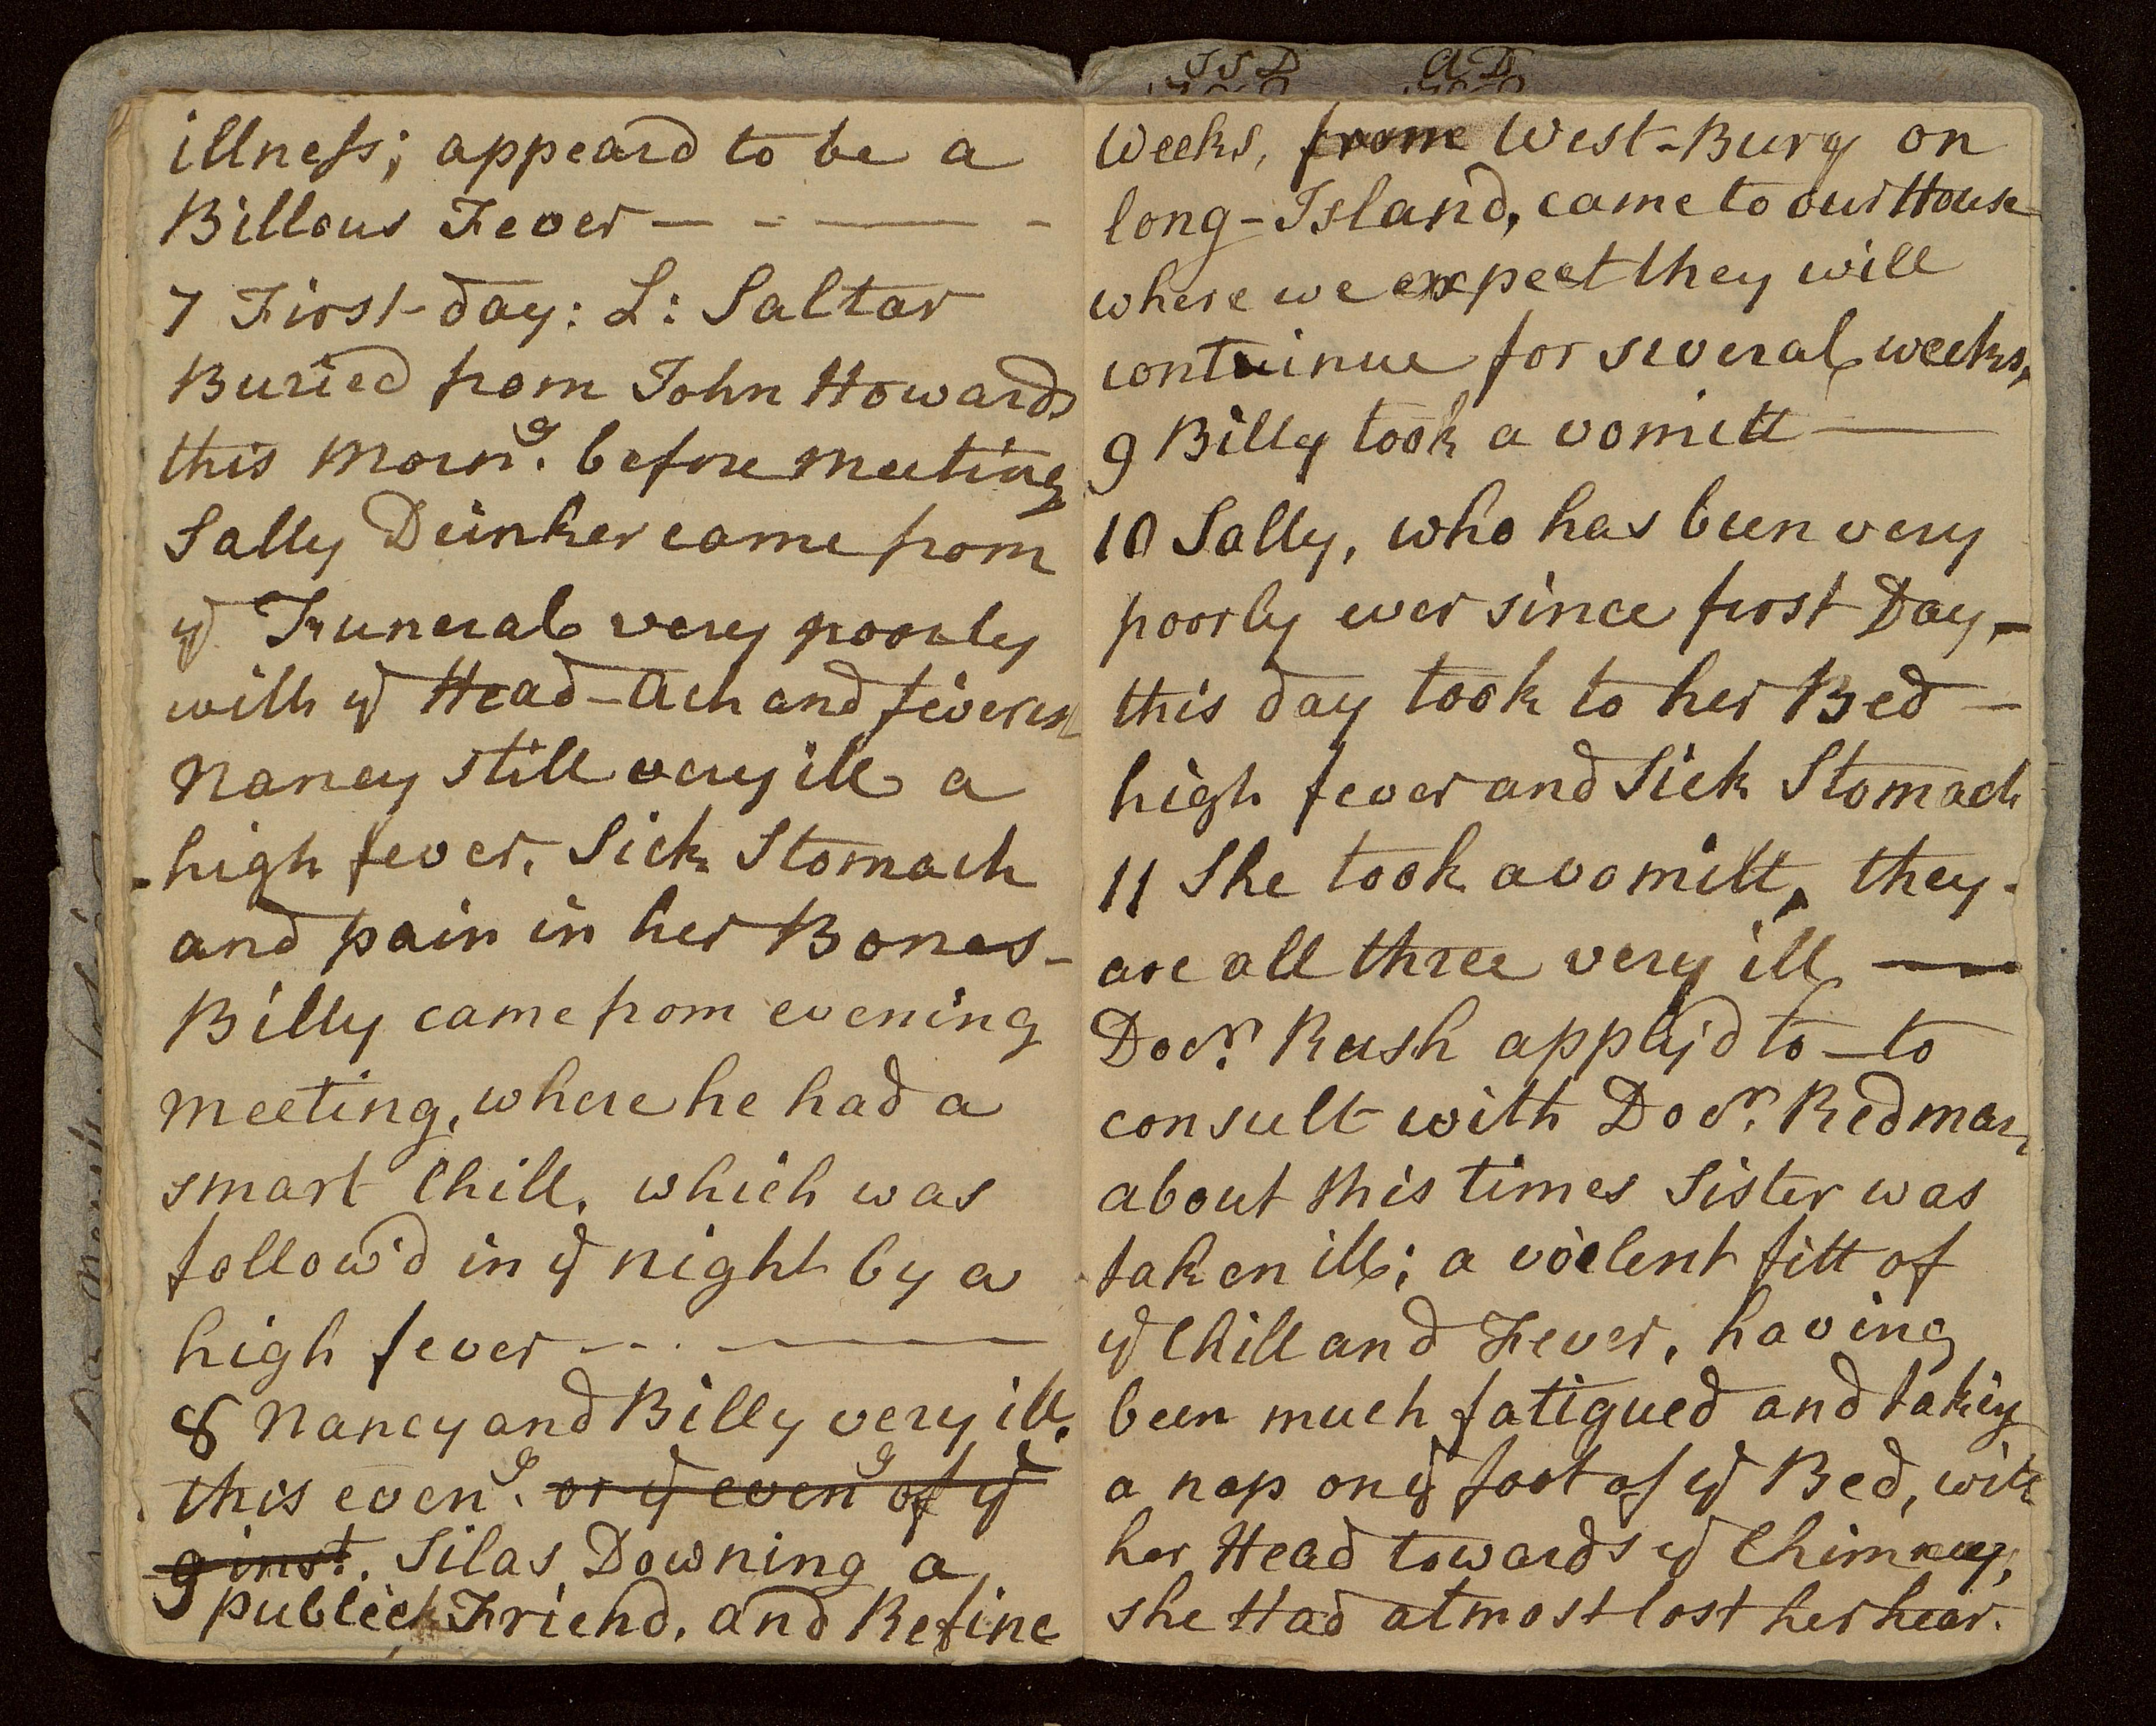illness; appeard to be a
Billous Fever---
7 First day: L: Saltar
Buried from John Howards
this morn^g. before meeting
Sally Drinker came from
y^e Funeral very poorly
will y^e Head-Ach and feveres
Nancy still very ill a
high fever, Sick Stomach,
and pain in her Bones.
Billy came from evening
meeting, where he had a
smart chill, which was
follow'd in y^e night by a
high fever-..-
8 Nancy and Billy very ill
this even^g. or y^e even^g of y^e
[9 ins^t.] Silas Downing a
publick Friend, and Refine
Weeks, from West-Bury on
long-Island, came to our House
where we expect they will
contuinue for several weeks
9 Billy took a vomitt-
10 Sally, who has been very
poorly ever since [frost] Day-
this day took to her Bed-
high fever and Sick Stomach
11 she took a vomitt, they
are all three very ill-
Doc^r Rush apply'd to- to
consult with Doc^r. Redman
about this times Sister was
taken ill; a violent fitt of
y^e chill and Fever, having
been much fatigued and takig
a nap on y^e foot of y^e Bed, with
her Head towards y^e Chimney,
she Has atmost lost her hear-